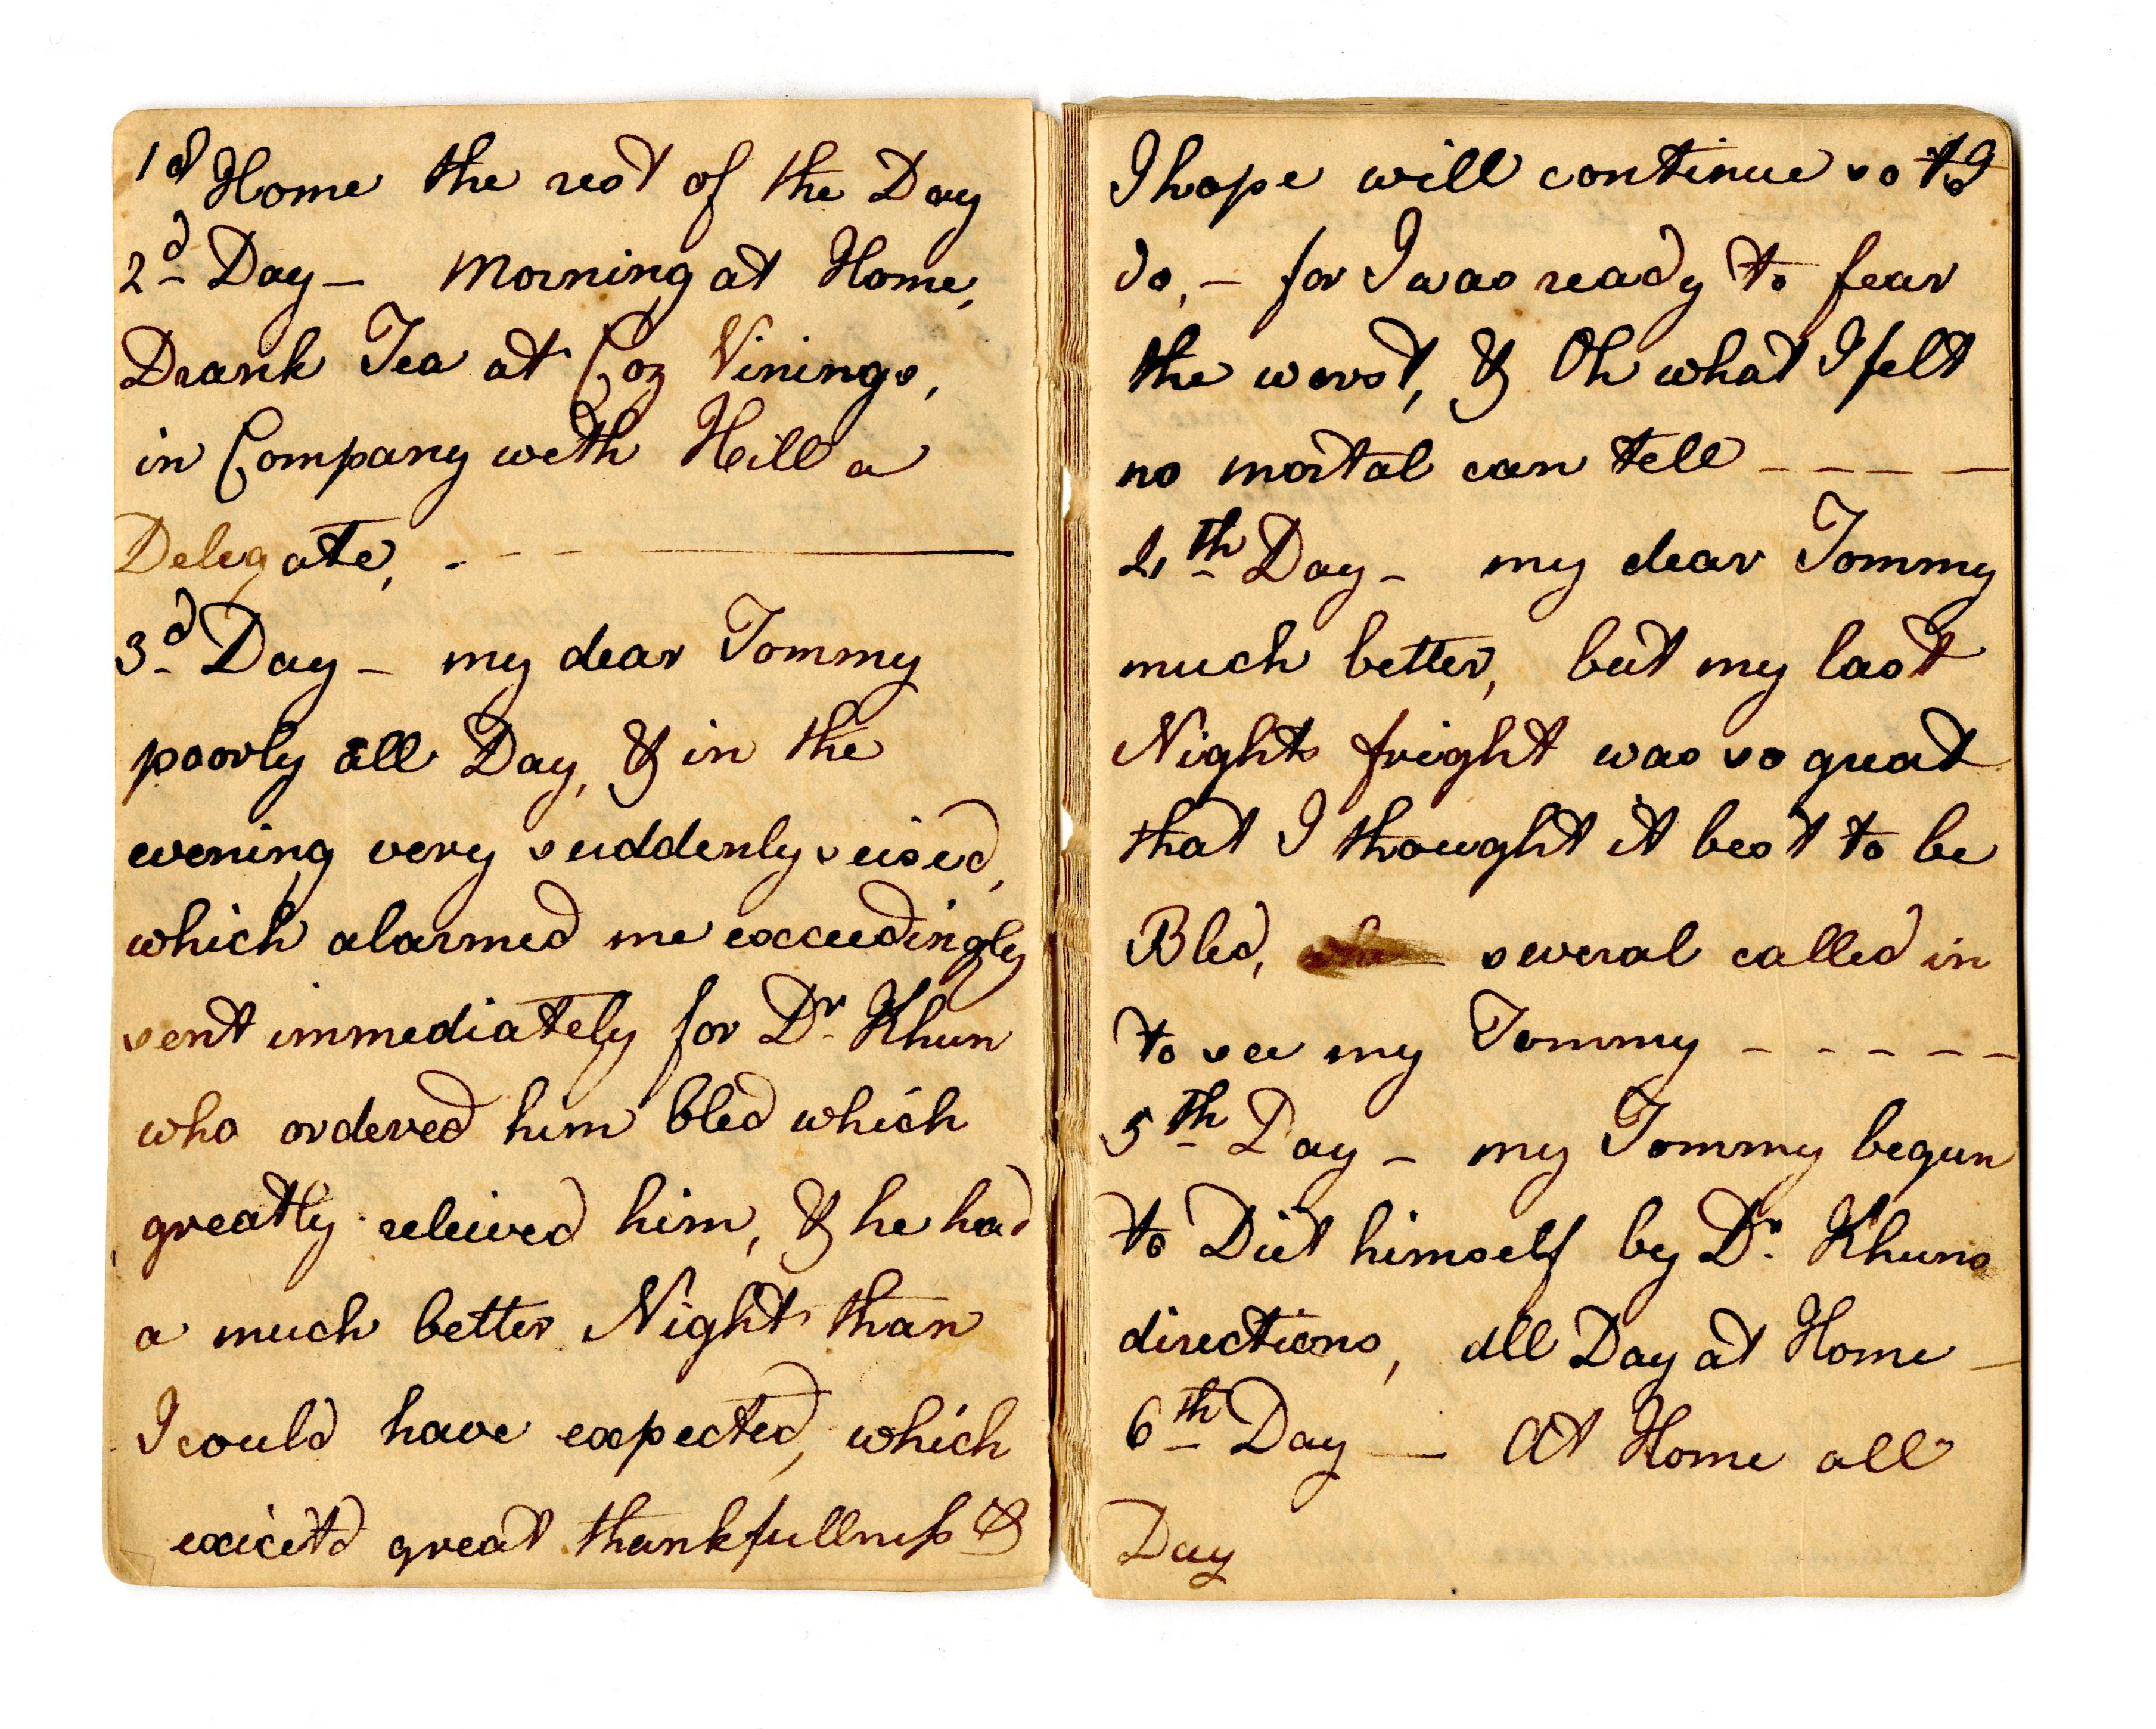18
Home the rest of the Day
2^d Day- Morning at Home,
Drank Tea at Coz Vinings,
in Company with Hill a
Delegate, -
3^d Day- my dear Tommy
poorly all Day, & in the
evening very suddenly seised,
which alarmed me exceedingly
sent immediately for D^r. Khun
who ordered him bled which
greatly releived him, & he had
a much better Night than
I could have expected, which
exicetd great thankfullness &
I hope will continue so
do,- for I was ready to fear
the worst, & Oh what I felt
no mortal can tell -
4^th Day- my dear Tommy
much better, but my last
Nights fright was so great
that I thought it best to be
Bled, [___] several called in
to see my Tommy-
5^th Day- my Tommy begun
to Diet himself by D^r. Khuns
directions, all day at Home
6^th Day- At Home all
Day